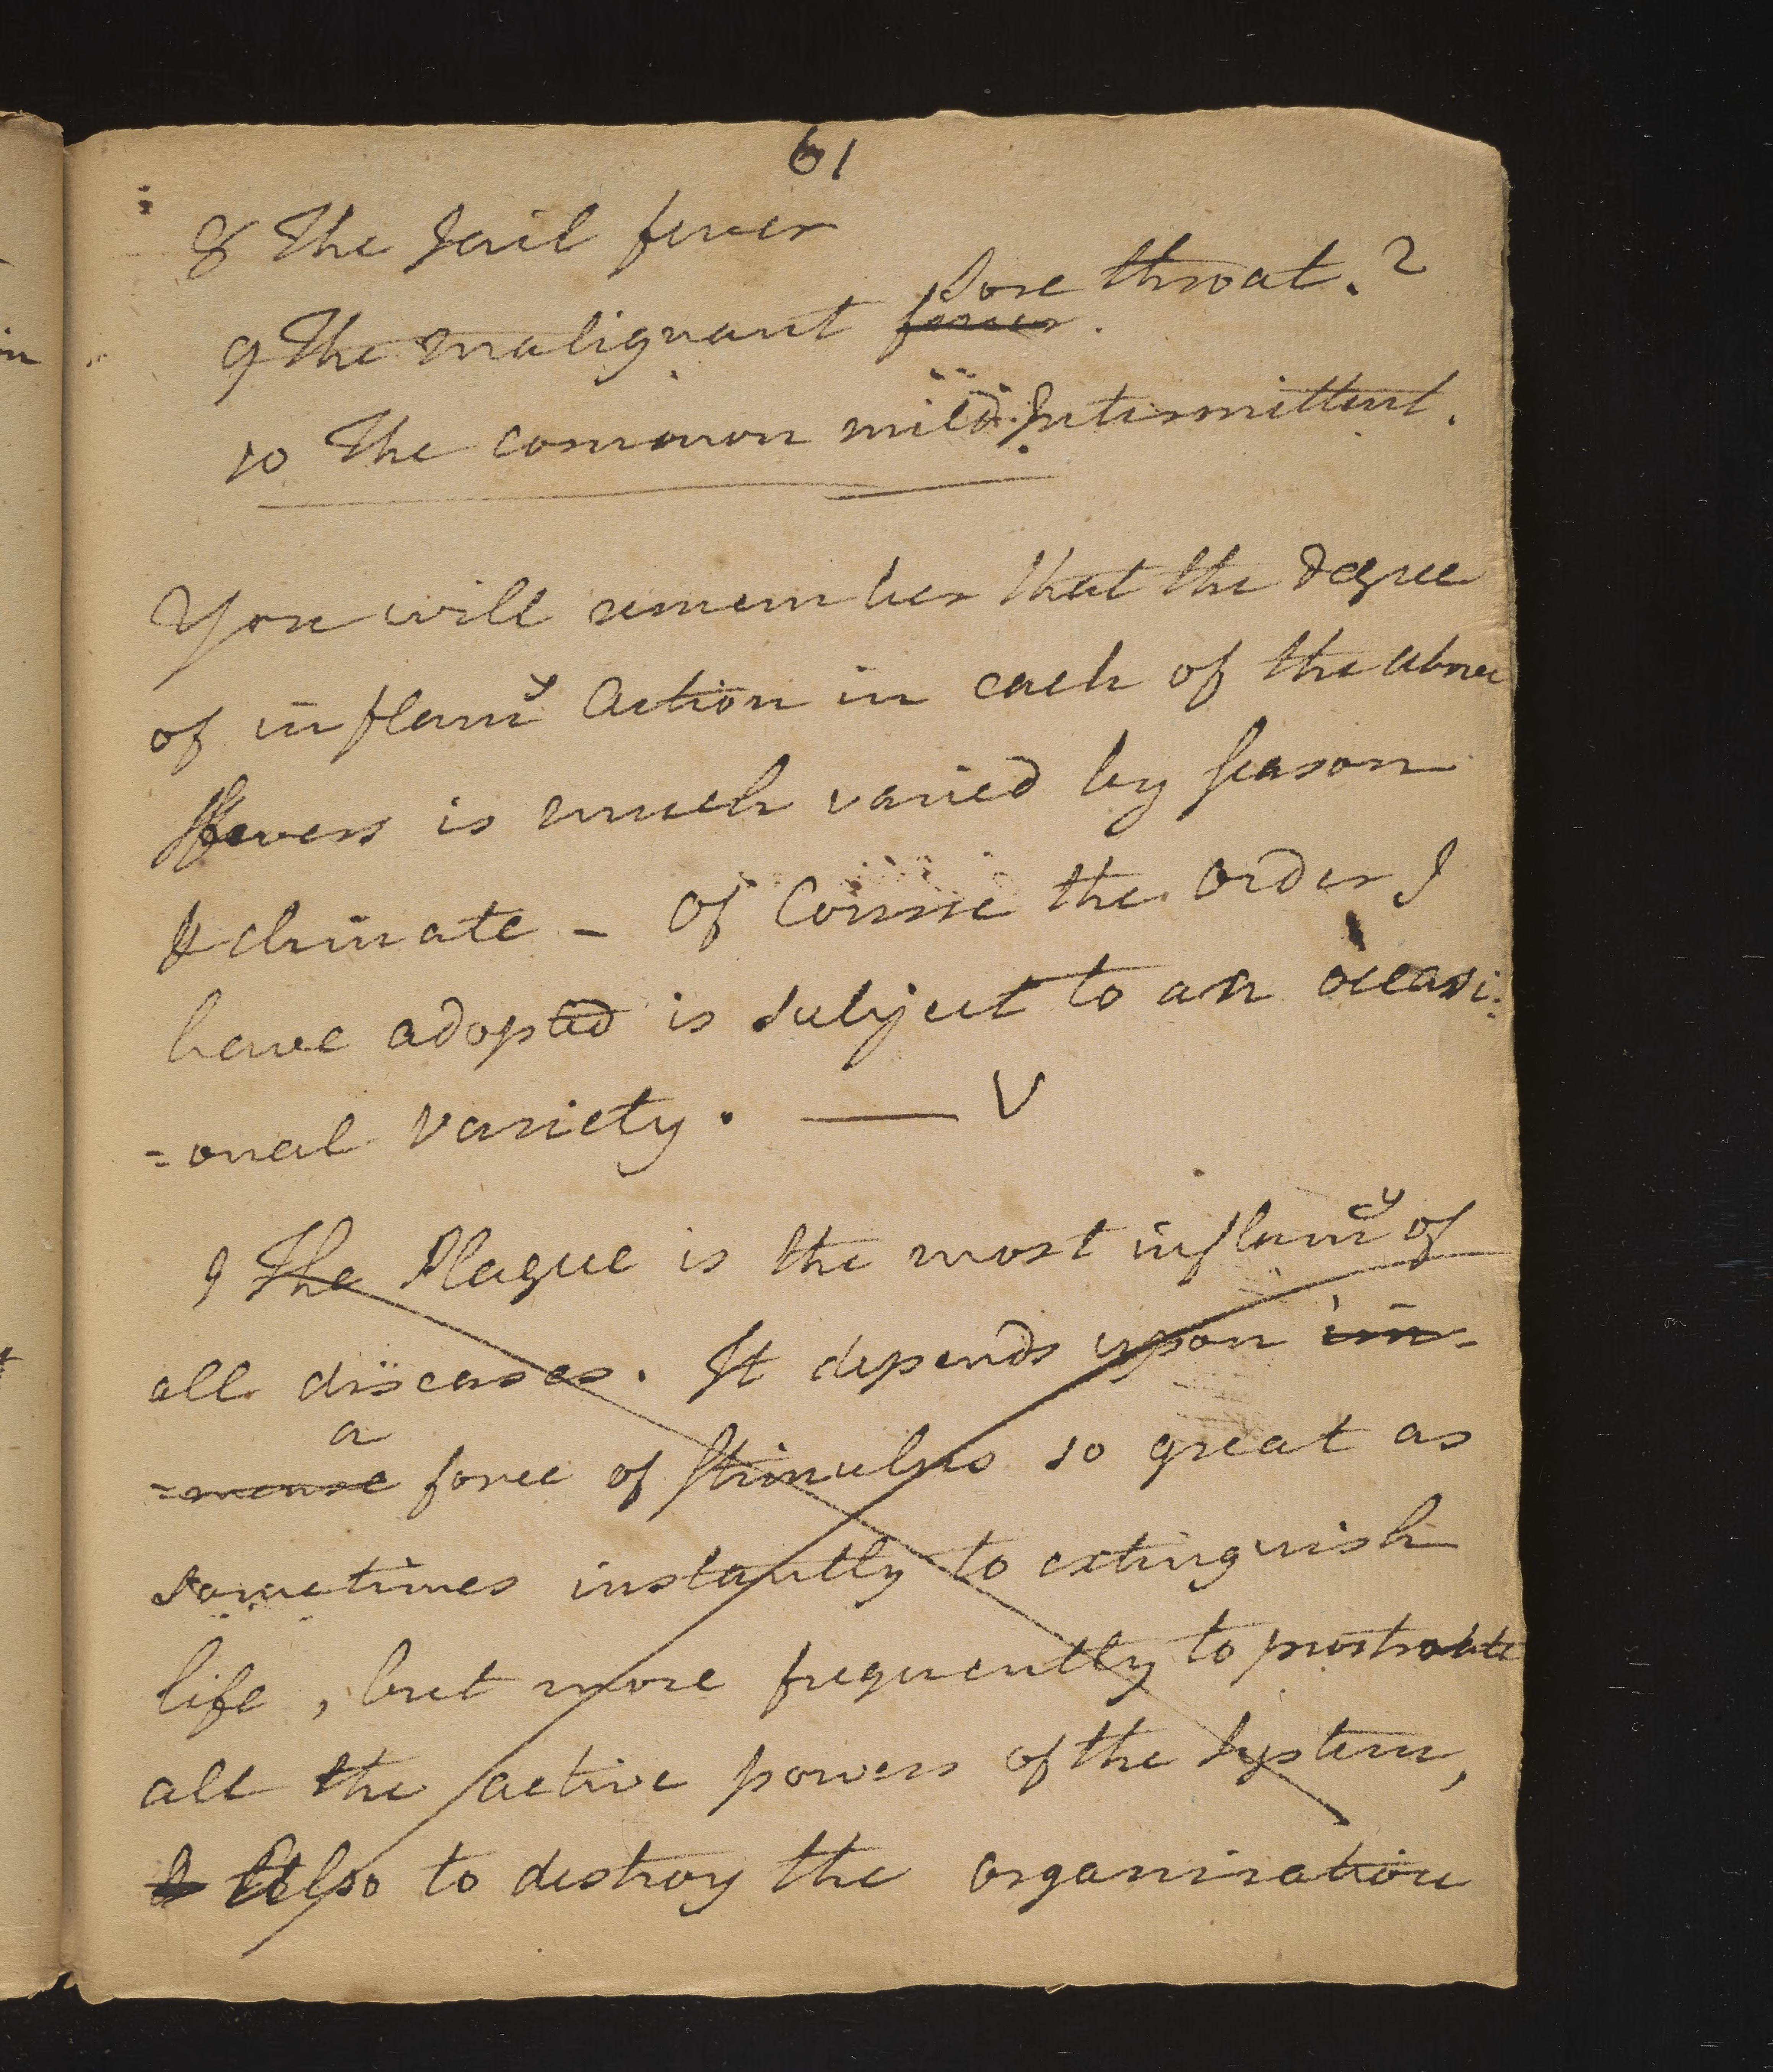61
8 The Jail fever
Sore throat?
9 The malignant [fever].
10 The common mild intermittent
You will sense her that the degree
of inflam^y Action in each of the above
fevers is much varied by Season
& climate, of course the order I
have adopted is subject to an occasi-
-onal variety.
V
The Plague is the most inflam^y of
all diseases. It depends upon [im-]
a
[-mense] force of Stimulus so great as
sometimes instantly to extinguish
life, but more frequently to prostrate
all the active powers of the system,
[&] Also to destroy the organisation